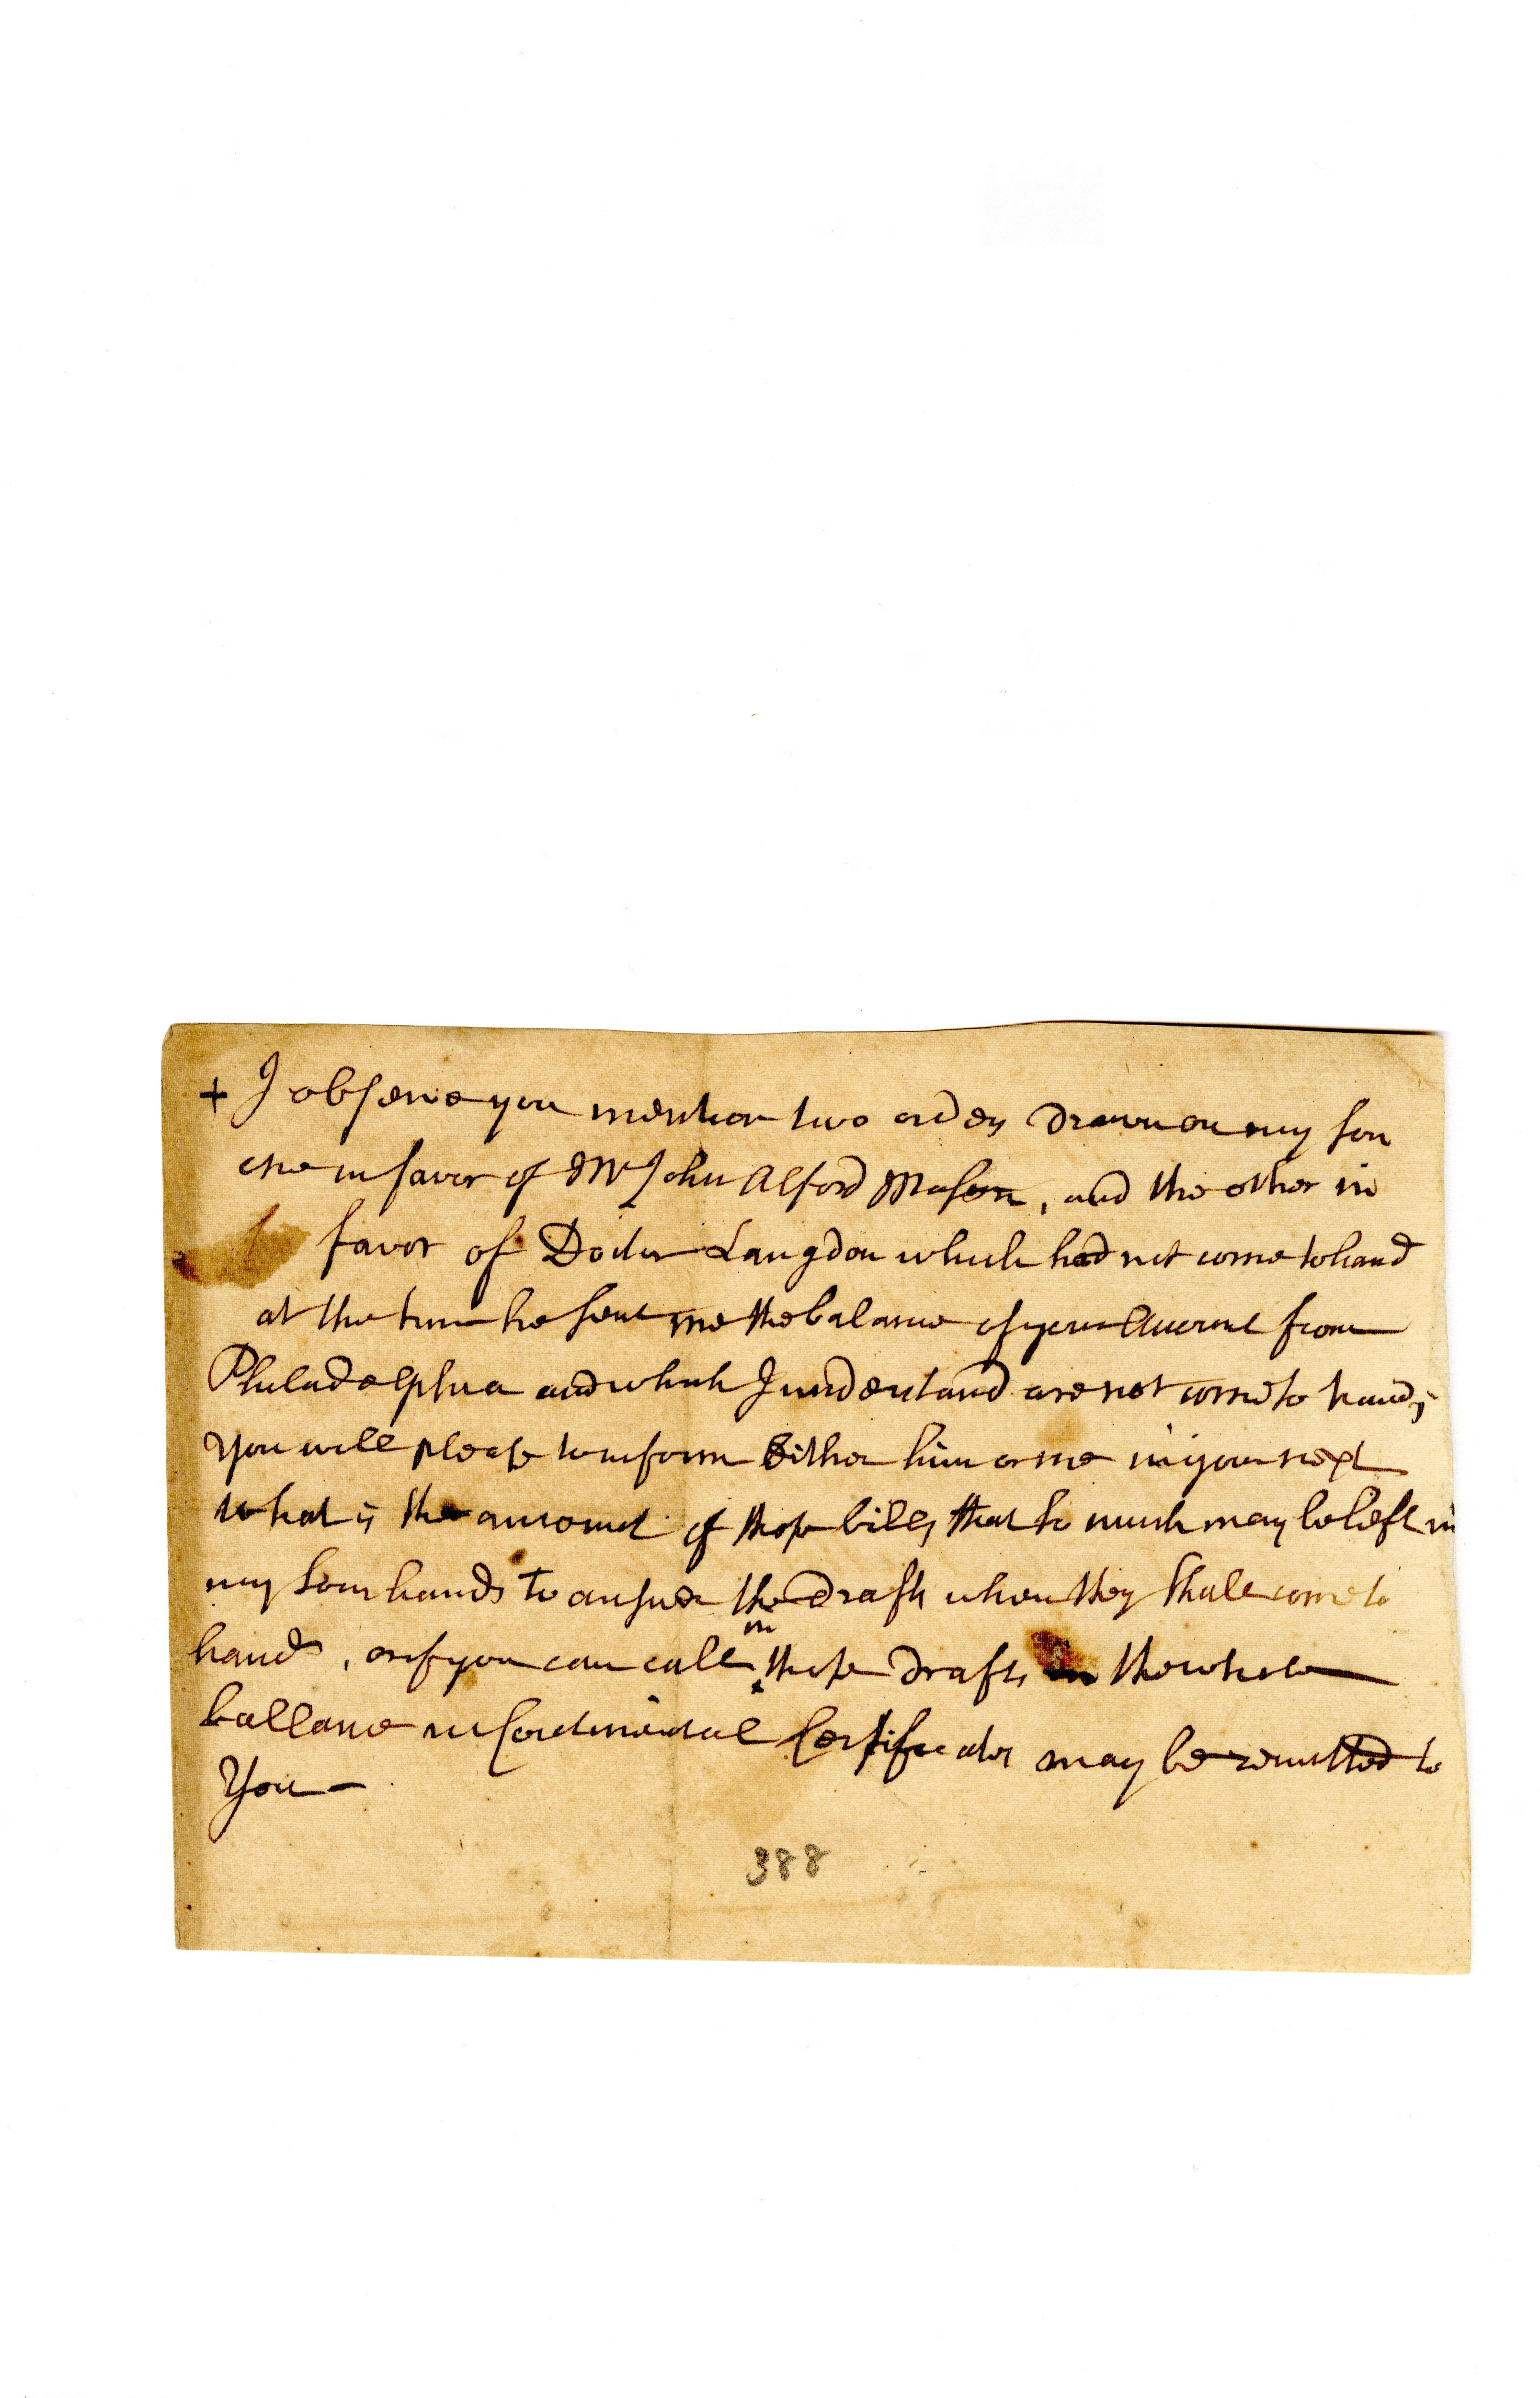+ I observe you mention two acres drawn on my son
and in favour of M^r John Alford Mason, and the other in
favor of Doctor Langdon which had not come to hand
at the time he sent me the balance of your Account from
Philadelphia and which I understand are not come to hand,
You will please to inform either him or me in your next
What is the amount of those bills than h much may be left in
my sum hands to answer the draft when they shall com^e to
in
hand, and you can call ^ these drafts [in] the whole
ballance in Continental Certificates may be writted to
You-